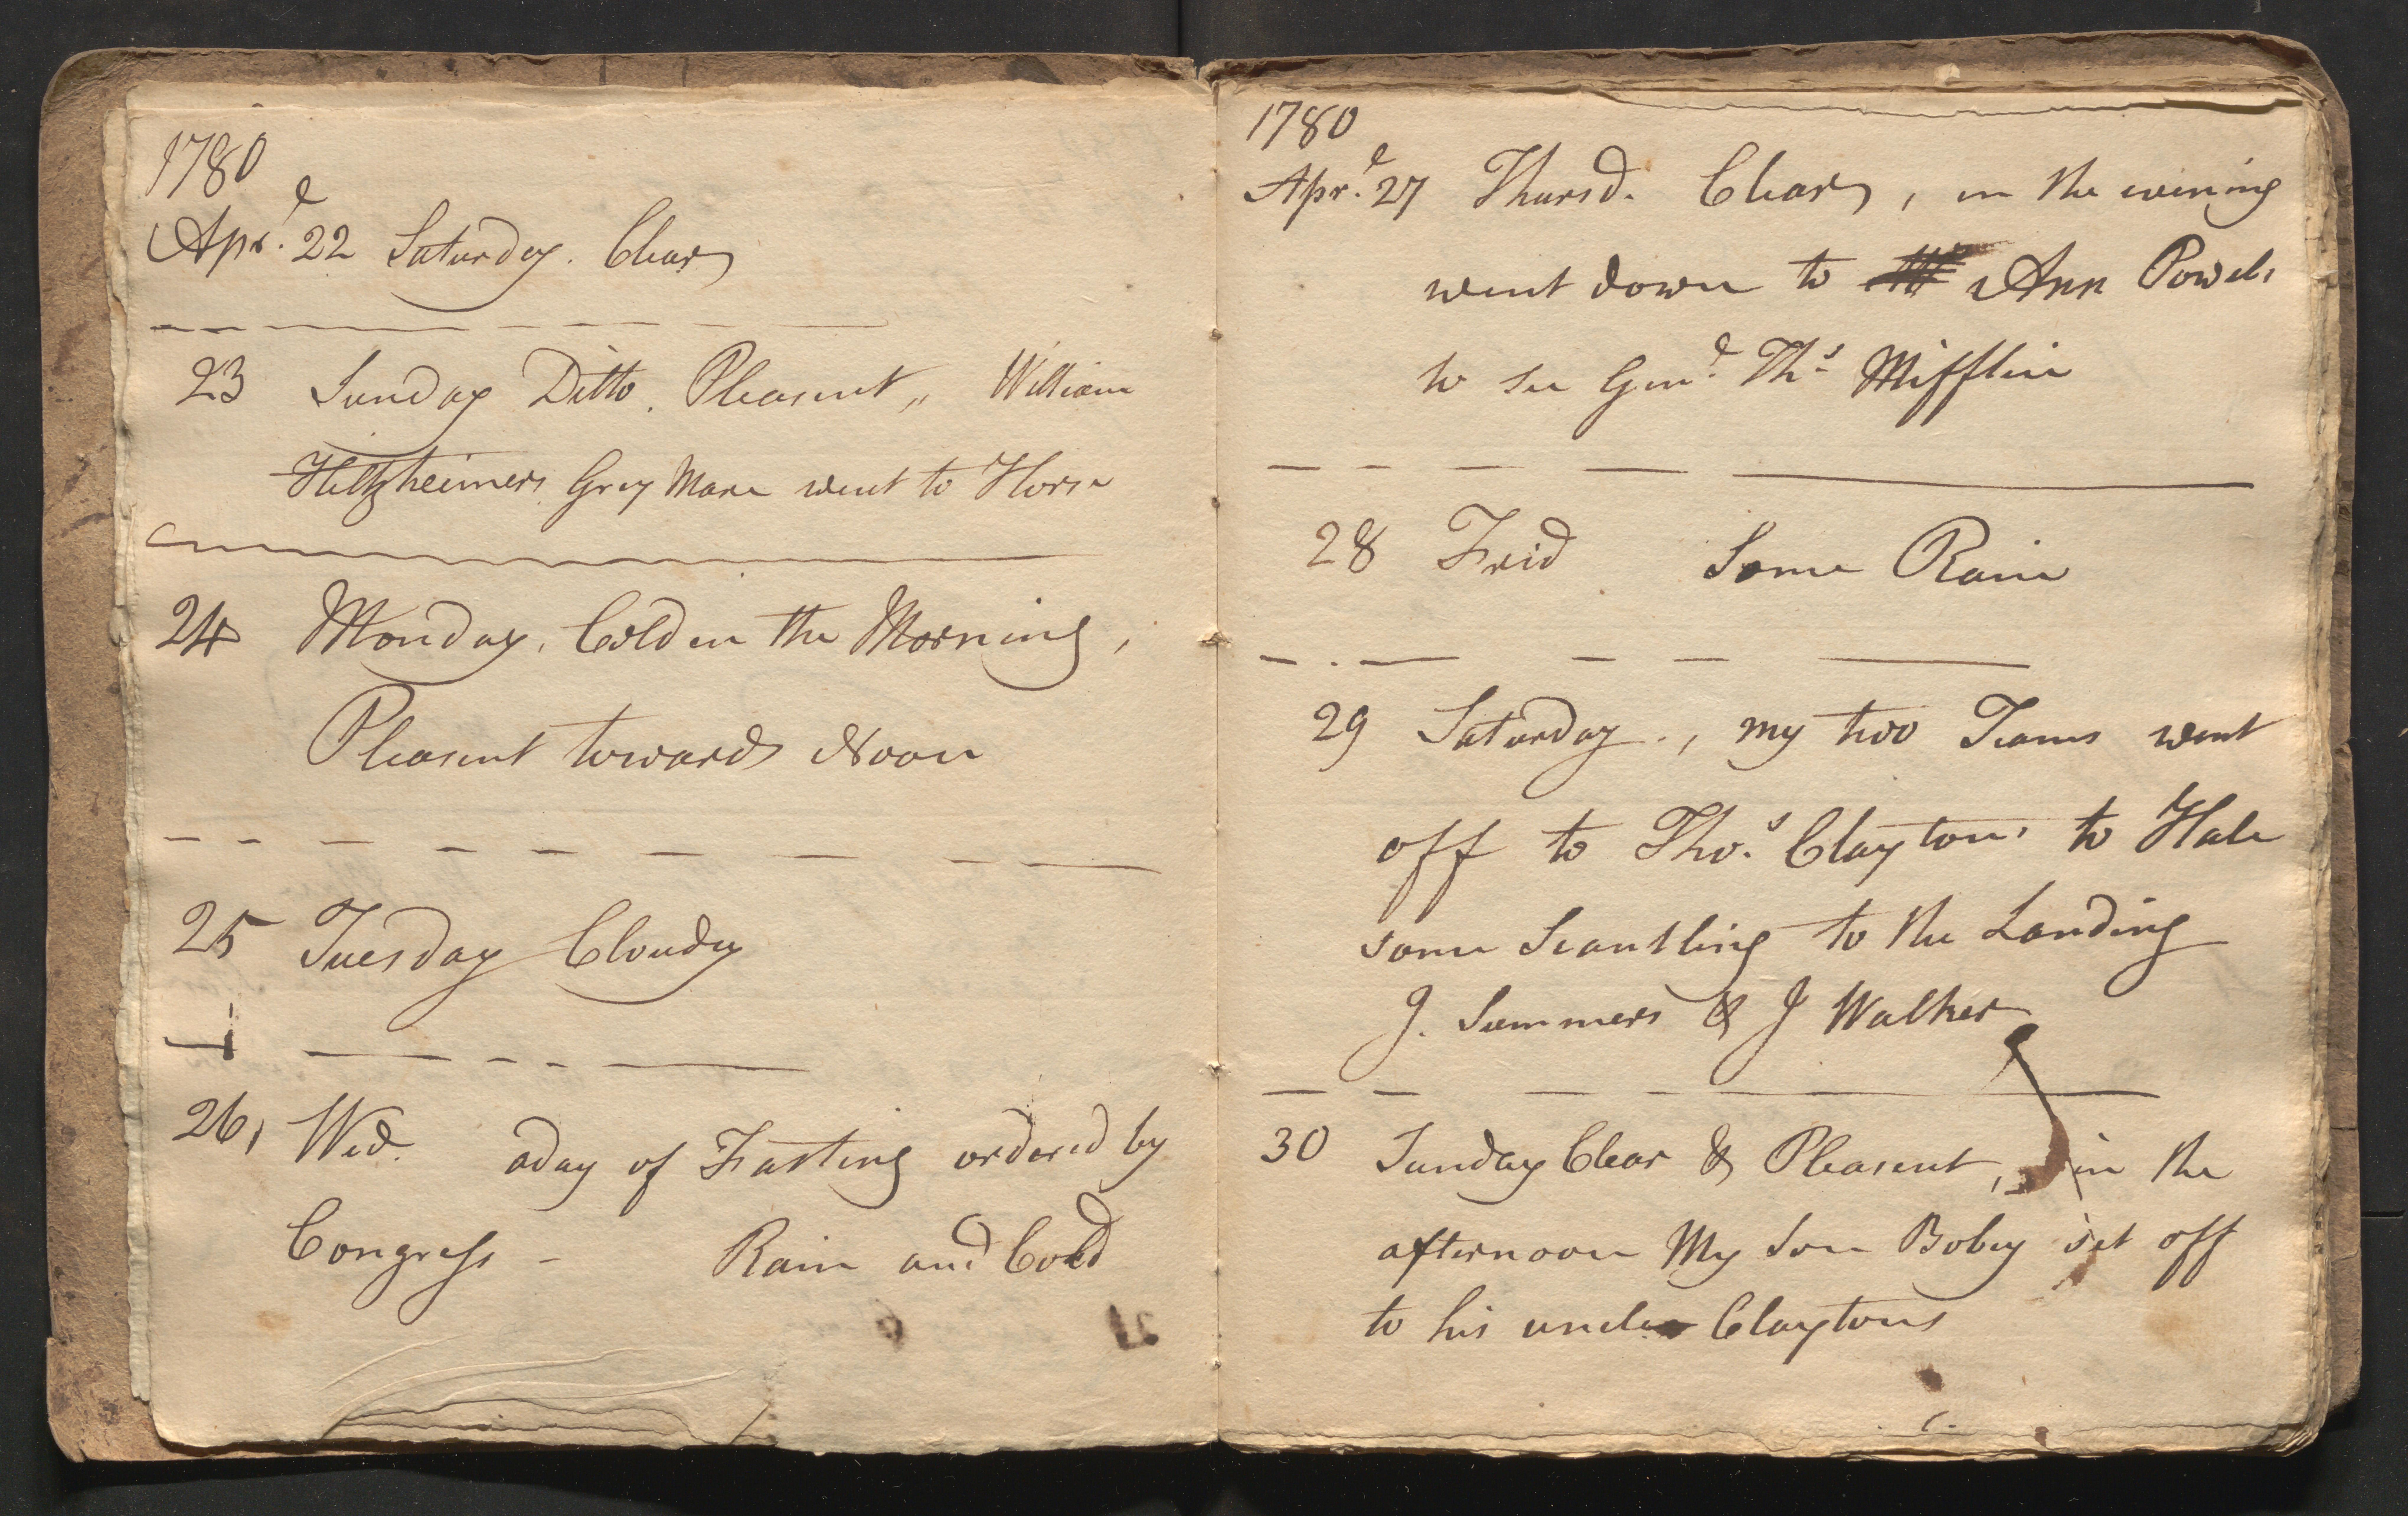1780
Apr^l. 22 Saturday. Clear
23 Sunday Ditto Pleasent, William
Hlzheimers Grey Mare went to Horse
24 Monday. Cold in the Morning
Pleasent towards Noon
25 Tuesday Cloudy
26 Wed. a day of Fasting ordered by
Congress- Rain and Cold
Apr^l. 27 Thursd. Clear, in the evening
1780
went down to [M^r] Ann Powels
to see Gen^l. Th^s. Mifflin
28 Frid some Rain
29 Saturday, my two Teams went
off to Tho^s. Claytons to Hale
some Scantling to the Landing
J. Summers & J Walker
30 Sunday Clear & Pleasent, in the
afternoon My son Bobey set off
to his uncle Claytons